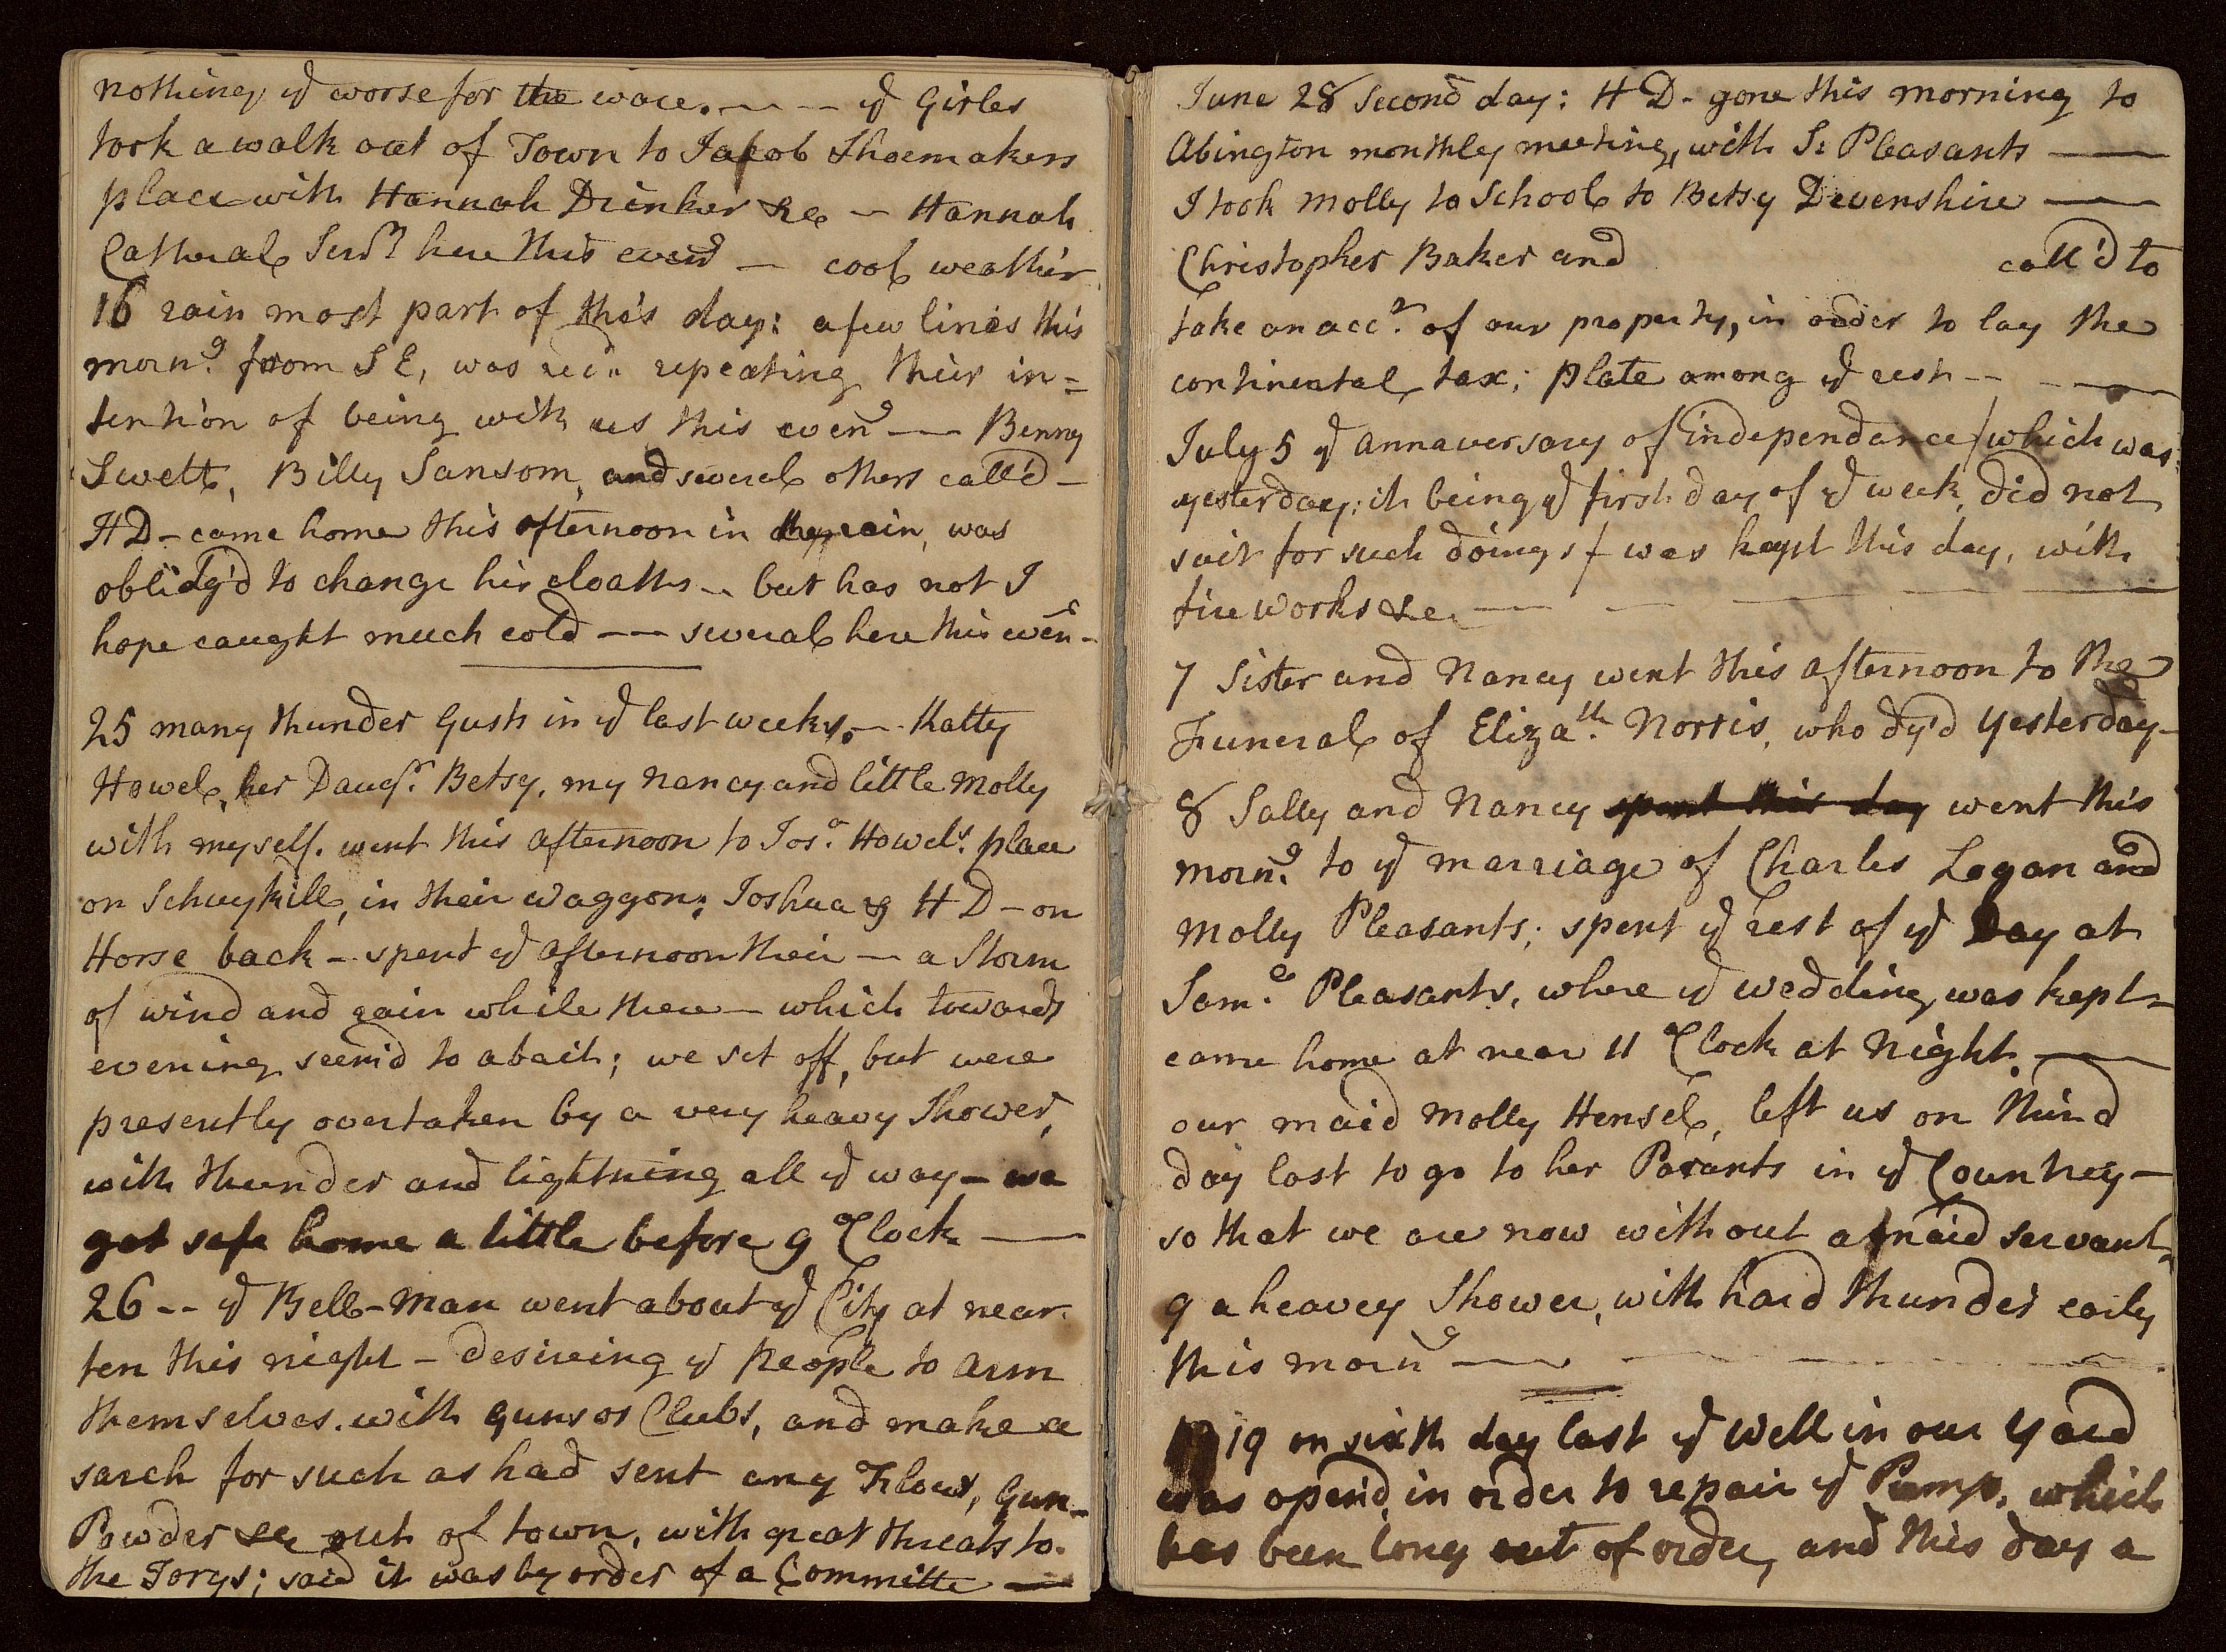nothing y^e worse for the ware.--- y^e Girles
took a walk out of Town to I Jacob Shoemakers
place with Hannah Drinker &c- Hannah
Catheral Sen^r. here this even^g- cool weather
16 rain most part of this day: a few lines this
morn^g. from SE, was rec^d.. repeating their in-
tention of being with us this even^g- Benny
Swett, Billy Sansom, and several others call'd-
HD. came home this afternoon in the rain, was
oblidg'd to change his cloalhs- but has not I
hope caught much cold-- several here this even^g-
25 many thunder Gusts in y^e last weeks.- Katty
Howel, her Daug^r. Betsy, my Nancy and little Molly
with myself, went this afternoon to Jos^a. Howel^s. place
on Schuykill, in their waggon: Joshua & HD- on
Horse back- spent y^e afternoon their- a Storm
of wind and rain while there- which towards
evening seem'd to abait; we set off, but were
presently overtaken by a very heavy Shower,
will thunder and lightning all y^e way- we
got safe home a little before 9 ^oClock-
26-- y^e Bell-Man went about y^e City at near,
ten this night- desiring y^e people to arm
themselves. with Guns or Clubs, and make a
sarch for such as had sent any Flour, Gun-
Powder &c out of town, with great threats to
the Torys; said it was by order of a Committe-
June 28 second day: HD- gone this morning to
Abington monthly meeting, with S: Pleasants-
I took Molly to School to Betsy Devenshire-
call'd to
Christopher Baker and
take on acc^t. of our property, in order to lay the
continental tax; plate among y^e rest--
July 5 y^e annaversary of independance (which was
yesterday: it being y^e first day of y^e week, did not
suit for such doings) was kayst this day, with
fire Works &c-
7 Sister and Nancy went this a Afternoon to the
Funeral of Eliza^th. Norris, who dy'd yesterday-
8 Sally and Nancy [spent their day] went this
morn^g. to y^e marriage of Charles Logan and
Molly Pleasants; spent y^e rest of y^e Day at
Sam^l. Pleasants, where y^e wedding was kept-
came home at near 11 ^oClock at night.-
our maid Molly Hensel, left us on third
day last to go to her Parants in y^e Countrey-
so that we are now without a maid servant,
9 a heavey Shower, with hard thunder early
this morn^g.--
[__]19 on sixth day last y^e well in our yard
was open'd in order to repair y^e Pump, which
has been long out of order, and this day a